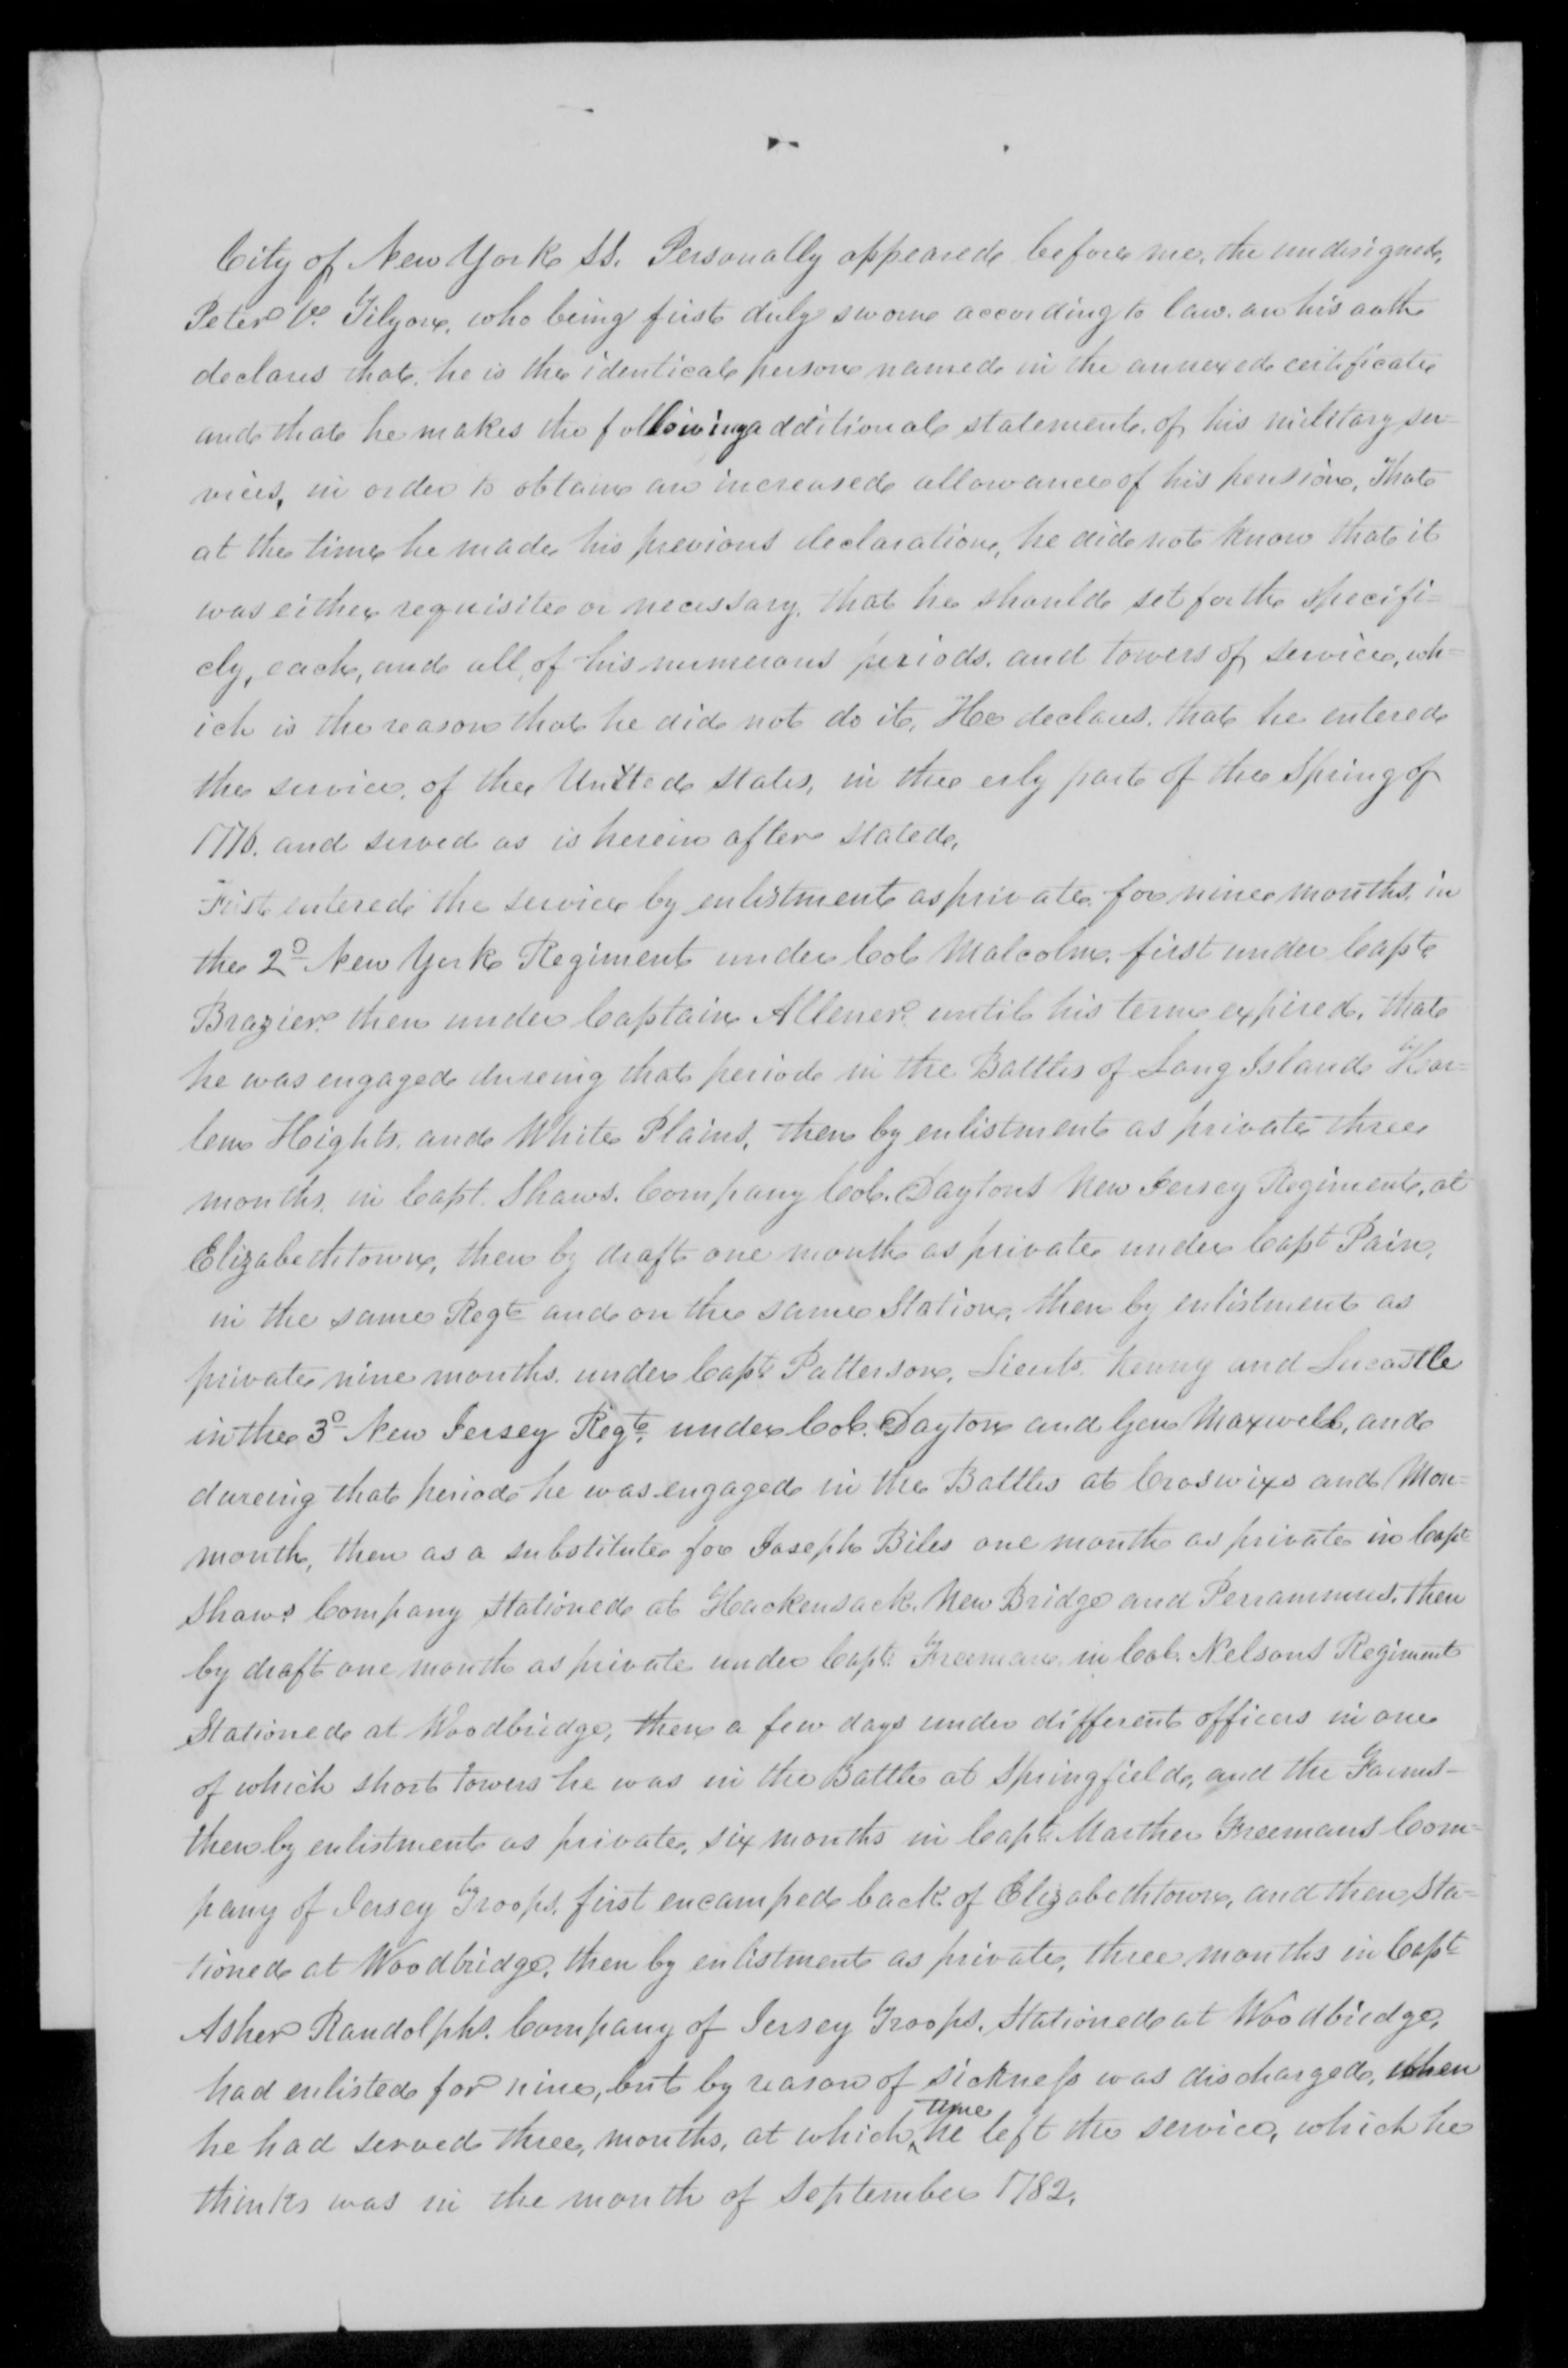City of New York SS. Personally appeared before me the undersigned Peter V. Tilyou, who being first duly sworn according to law, on his oath declared that he is the identical person named in the annexed certificate and that he makes the following additional statement of his military services, in order to obtain an increased allowance of his pension. That at the time he made his previous declaration, he did not know that it was either requisite or necessary that he should set for the record specifically, each and all of his numerous periods and towers [tours] of service, which is the reason that he did not do it. He declared that he entered the services of the United States, in the early part of the Spring of 1776 and served as is hereinafter stated.
First entered the service by enlistment as private for nine months in the 2nd New York Regiment under Col. Malcolm, first under Capt Brazier, then under Captain Allener until his term expired. That he was engaged during that period in the Battles of Long Island Harlem Heights and White Plains. Then as enlistment as private three months in Capt. Shaws. Company Col. Daytons New Jersey Regiment at Elizabethtown, then by draft one month as private under Capt. Pain, in the same Regt and on the same Station, then by enlistment as a private nine months under Captain Patterson , Lieuts. Kenney and Lucastle in the 3d New Jersey Regt under Col. Dayton and General Maxwell, and that during that period he was engaged in the Battles at Croswixs and Monmouth, then as a substitute for Joseph Biles one month as private in Capt.Shaws Company stationed at Hackensack, New Bridge and Perammus [Paramus]. Then by draft one month as private under Capt. Freeman in Col. Nelsons Regiment Stationed at Woodbridge. Then a few days under different officers in one of which short towers [tours] he was in the Battle at Springfield, and  the Farms then by enlistments as private, six months in Capt. Matthew Freemans Company of Jersey Troops first encamped back of Elizabethtown, and then stationed at Woodbridge. Then by enlistment as private three months in Capt. Asher Randolphs Company of Jersey Troops, stationed  at Woodbridge, had enlisted for nine, but by reason of sickness was discharged, when he had served three months, at which time he left the service, which he thinks was in the month of September  1782.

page: 39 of 101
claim: widow's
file: W. 25481, for Peter V Tilyou, New Jersey